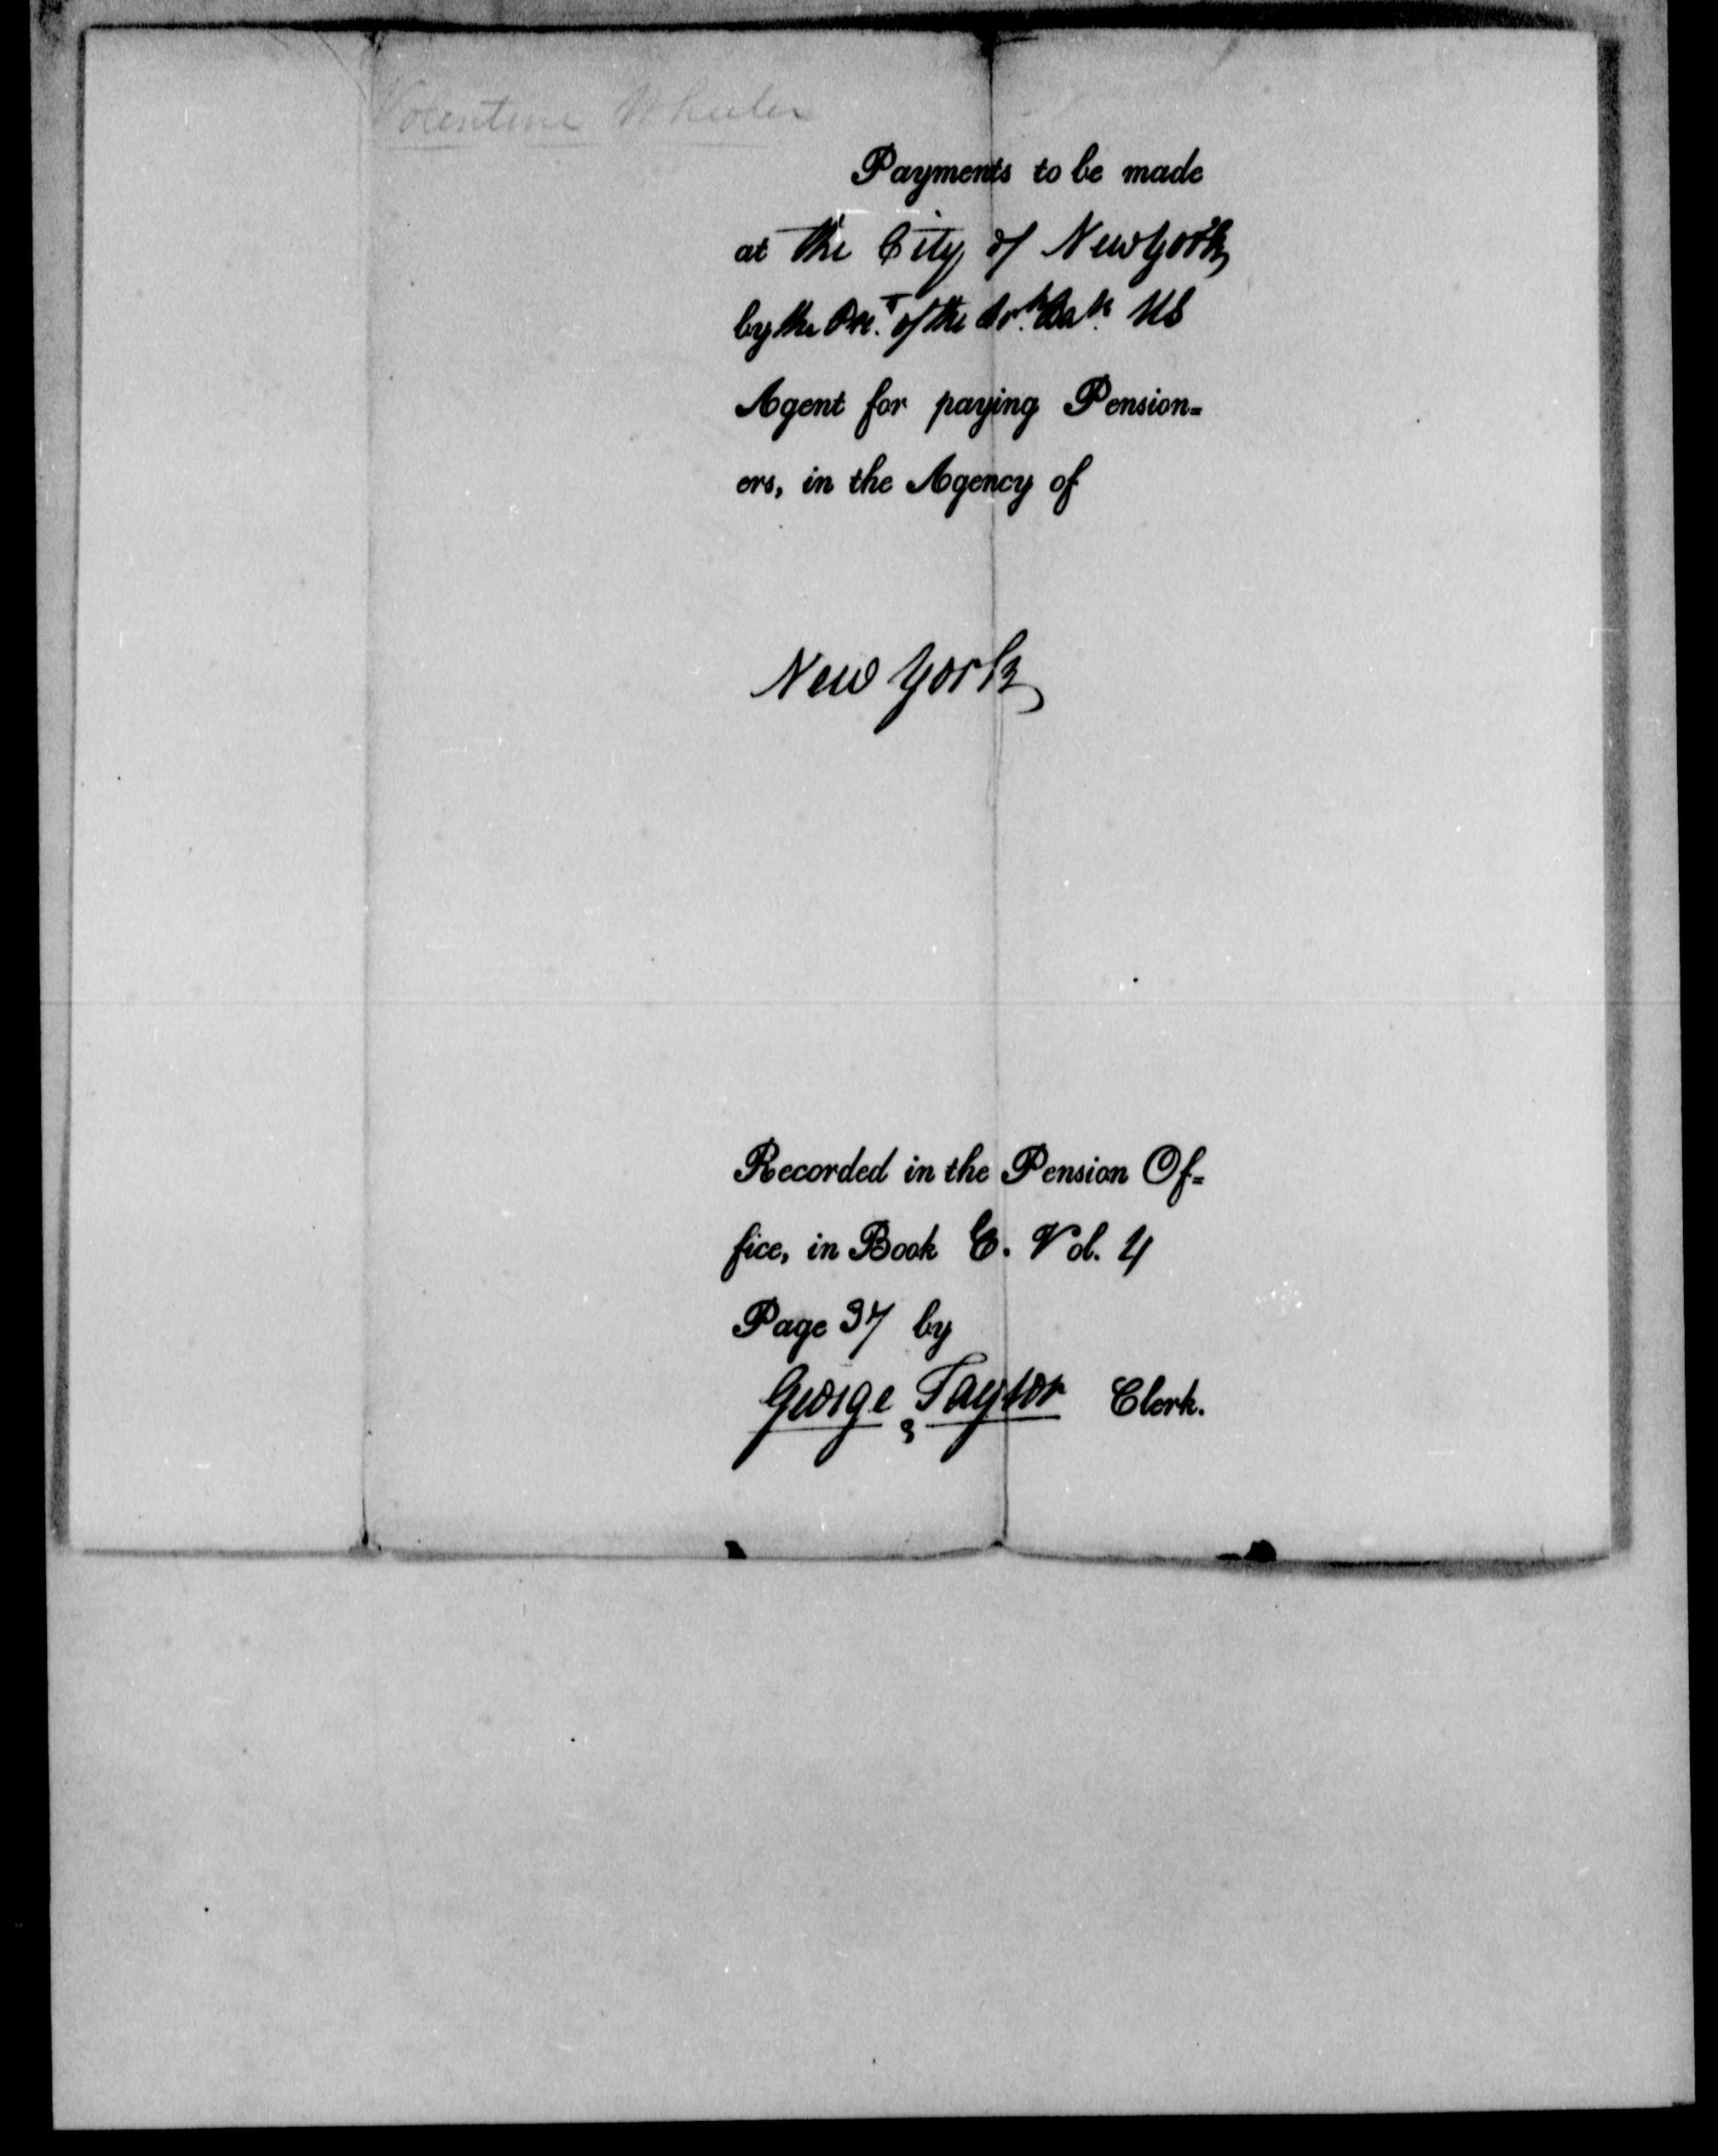Volentine Wheeler
Payments to be made at the City of New York by the (illegible) of the (illegible)
Agent for paying Pensioners in the Agency of
New York

Recorded in the Pension Office in Book E. Vol. 4, Page 37 by
George Taylor, Clerk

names: George Taylor, Volentine Wheeler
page: 74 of 98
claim: widow's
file: W. 1682, Valentine Wheeler, Mass.